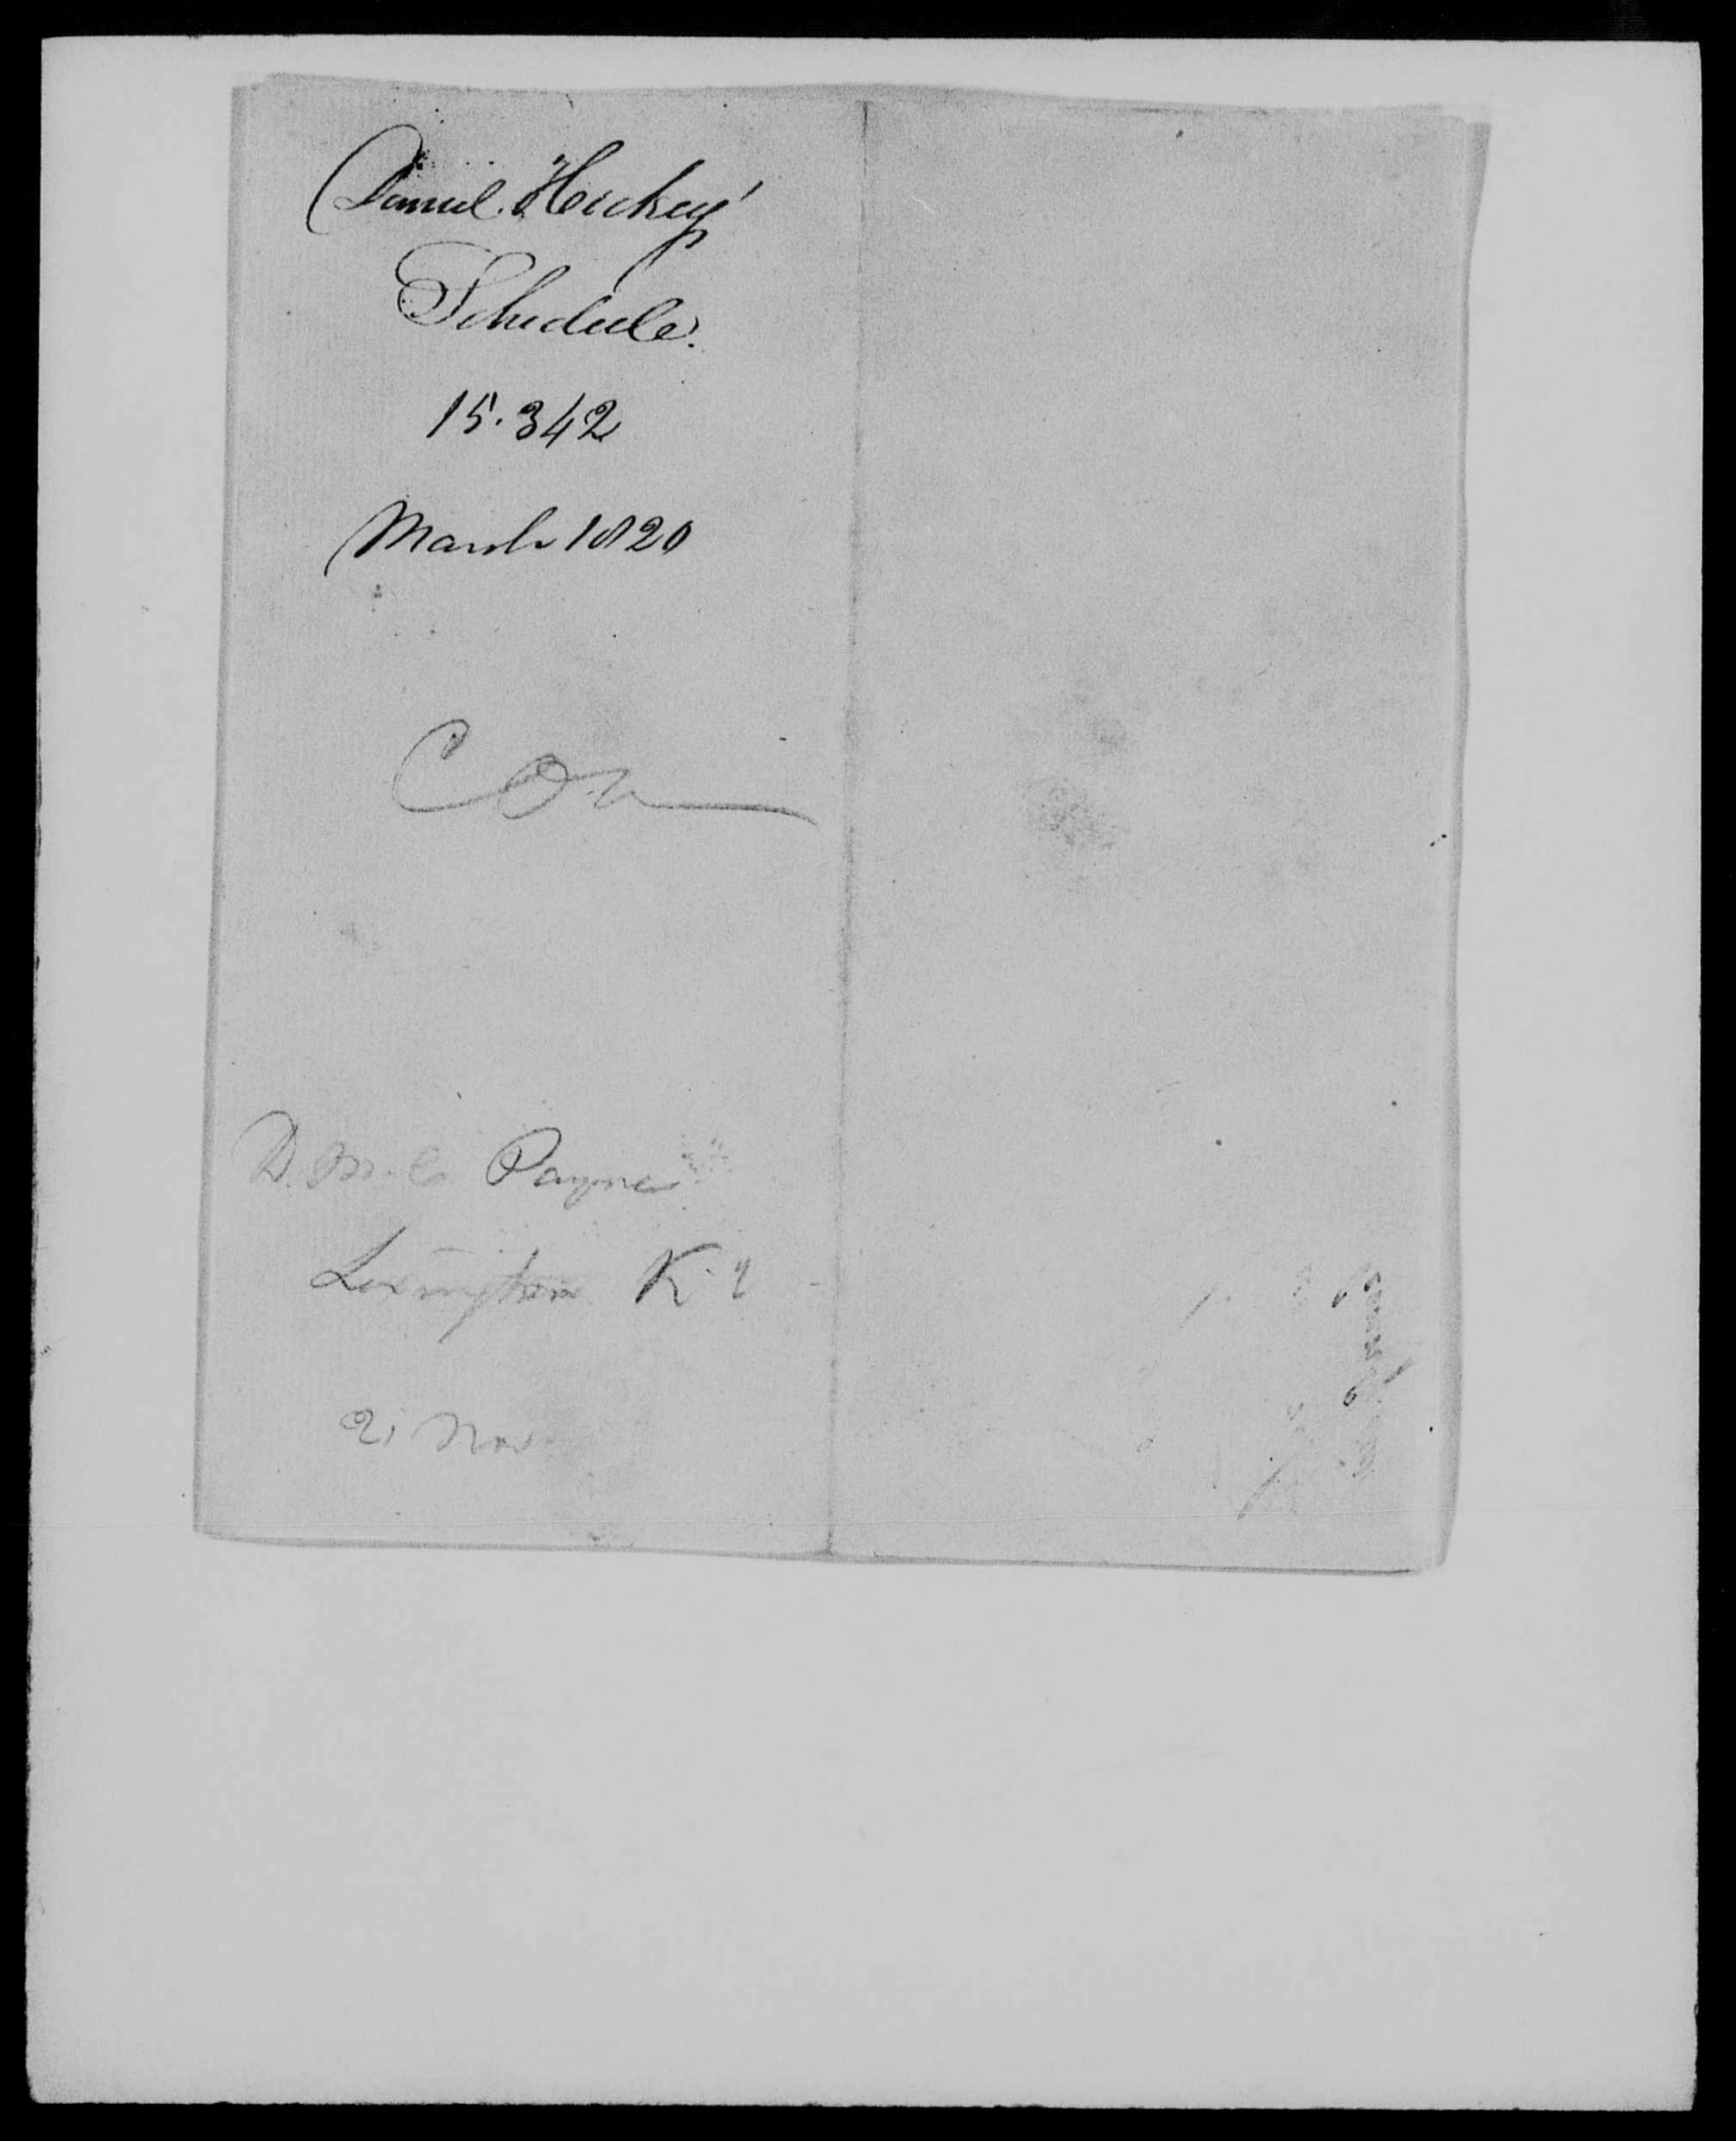Daniel Hickey
Schedule
15.342
March 1820
Con
D. M. C. Payne
Lexington Ky
21 Nov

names: D M C Payne, Daniel Hickey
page: 8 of 84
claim: widow's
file: W. 7744, Daniel Hickey, Penn.